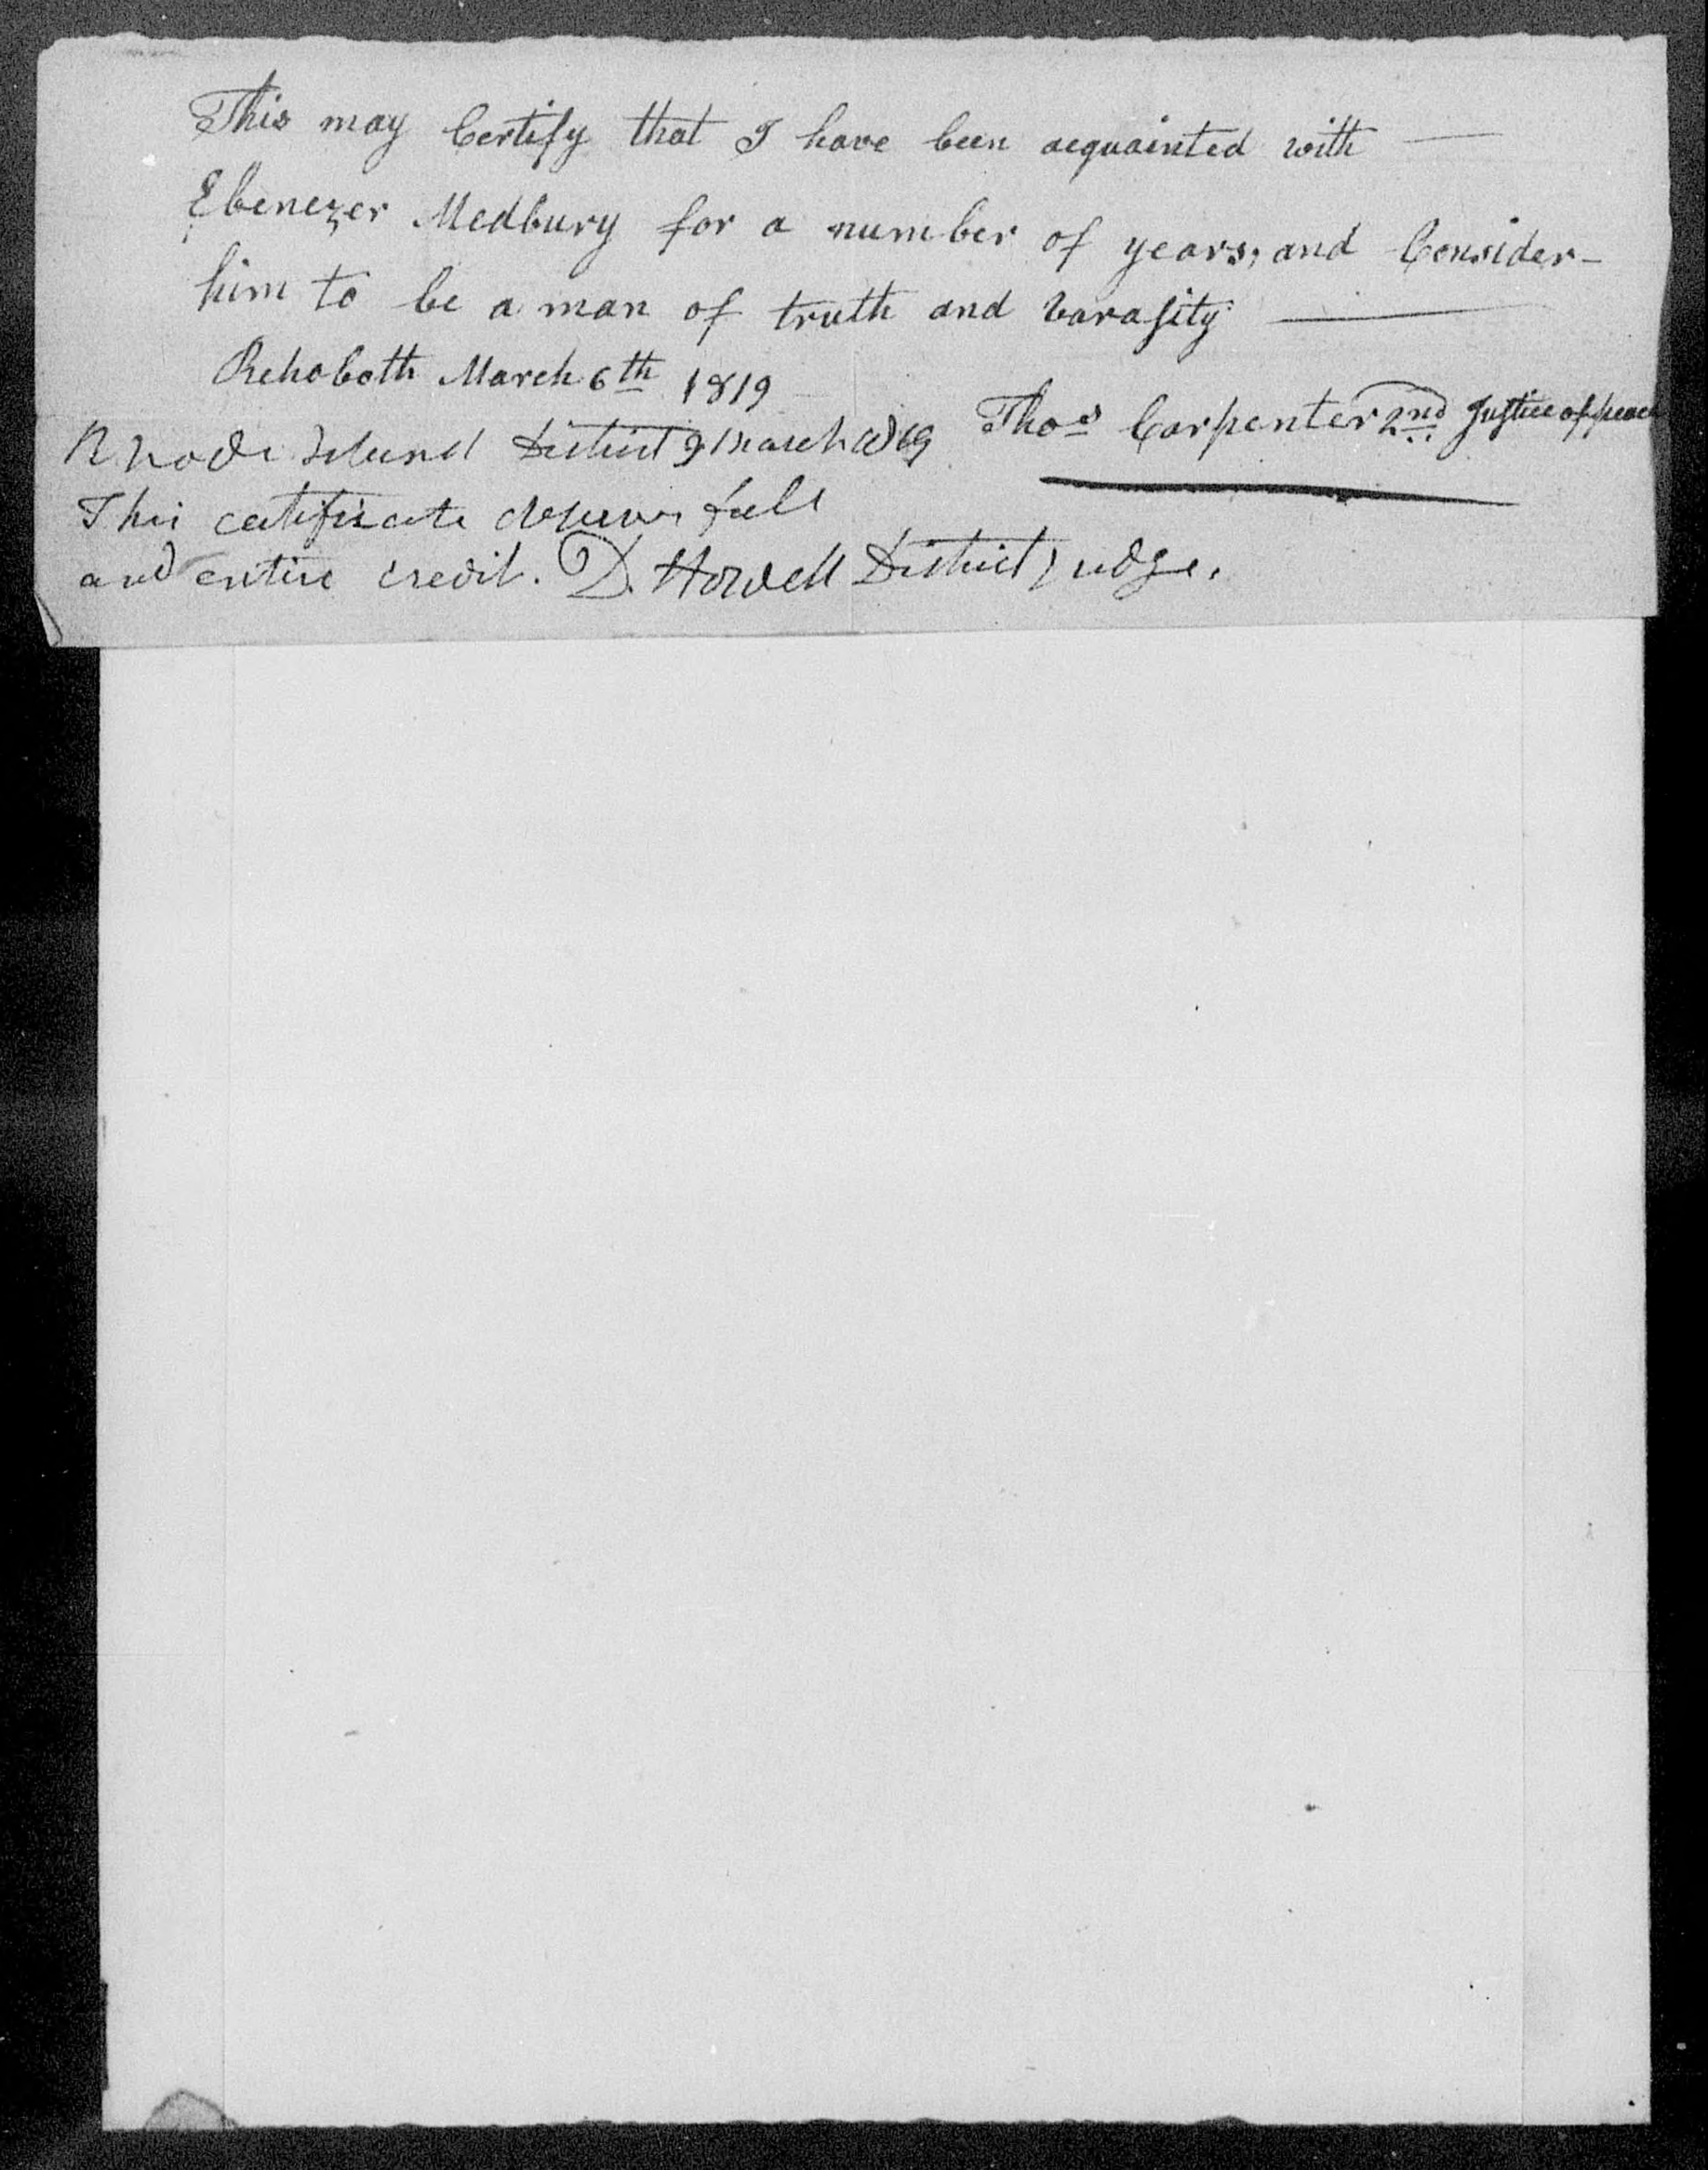This may Certify that I have been acquainted with
Ebenezer Medbury for a number of years, and Consider him to be a man of truth and veracity -
Rehoboth March 6th 1819

Thos Carpenter 2nd Justice of peace

Rhode Island 9 March1869
This certificate deserves full
and entire credit. 
D. Howell District Judge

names: Thos Carpenter, D Howell, Ebenezer Medbury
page: 22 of 67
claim: widow's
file: W. 23772, James Campbell, Continental Mass.